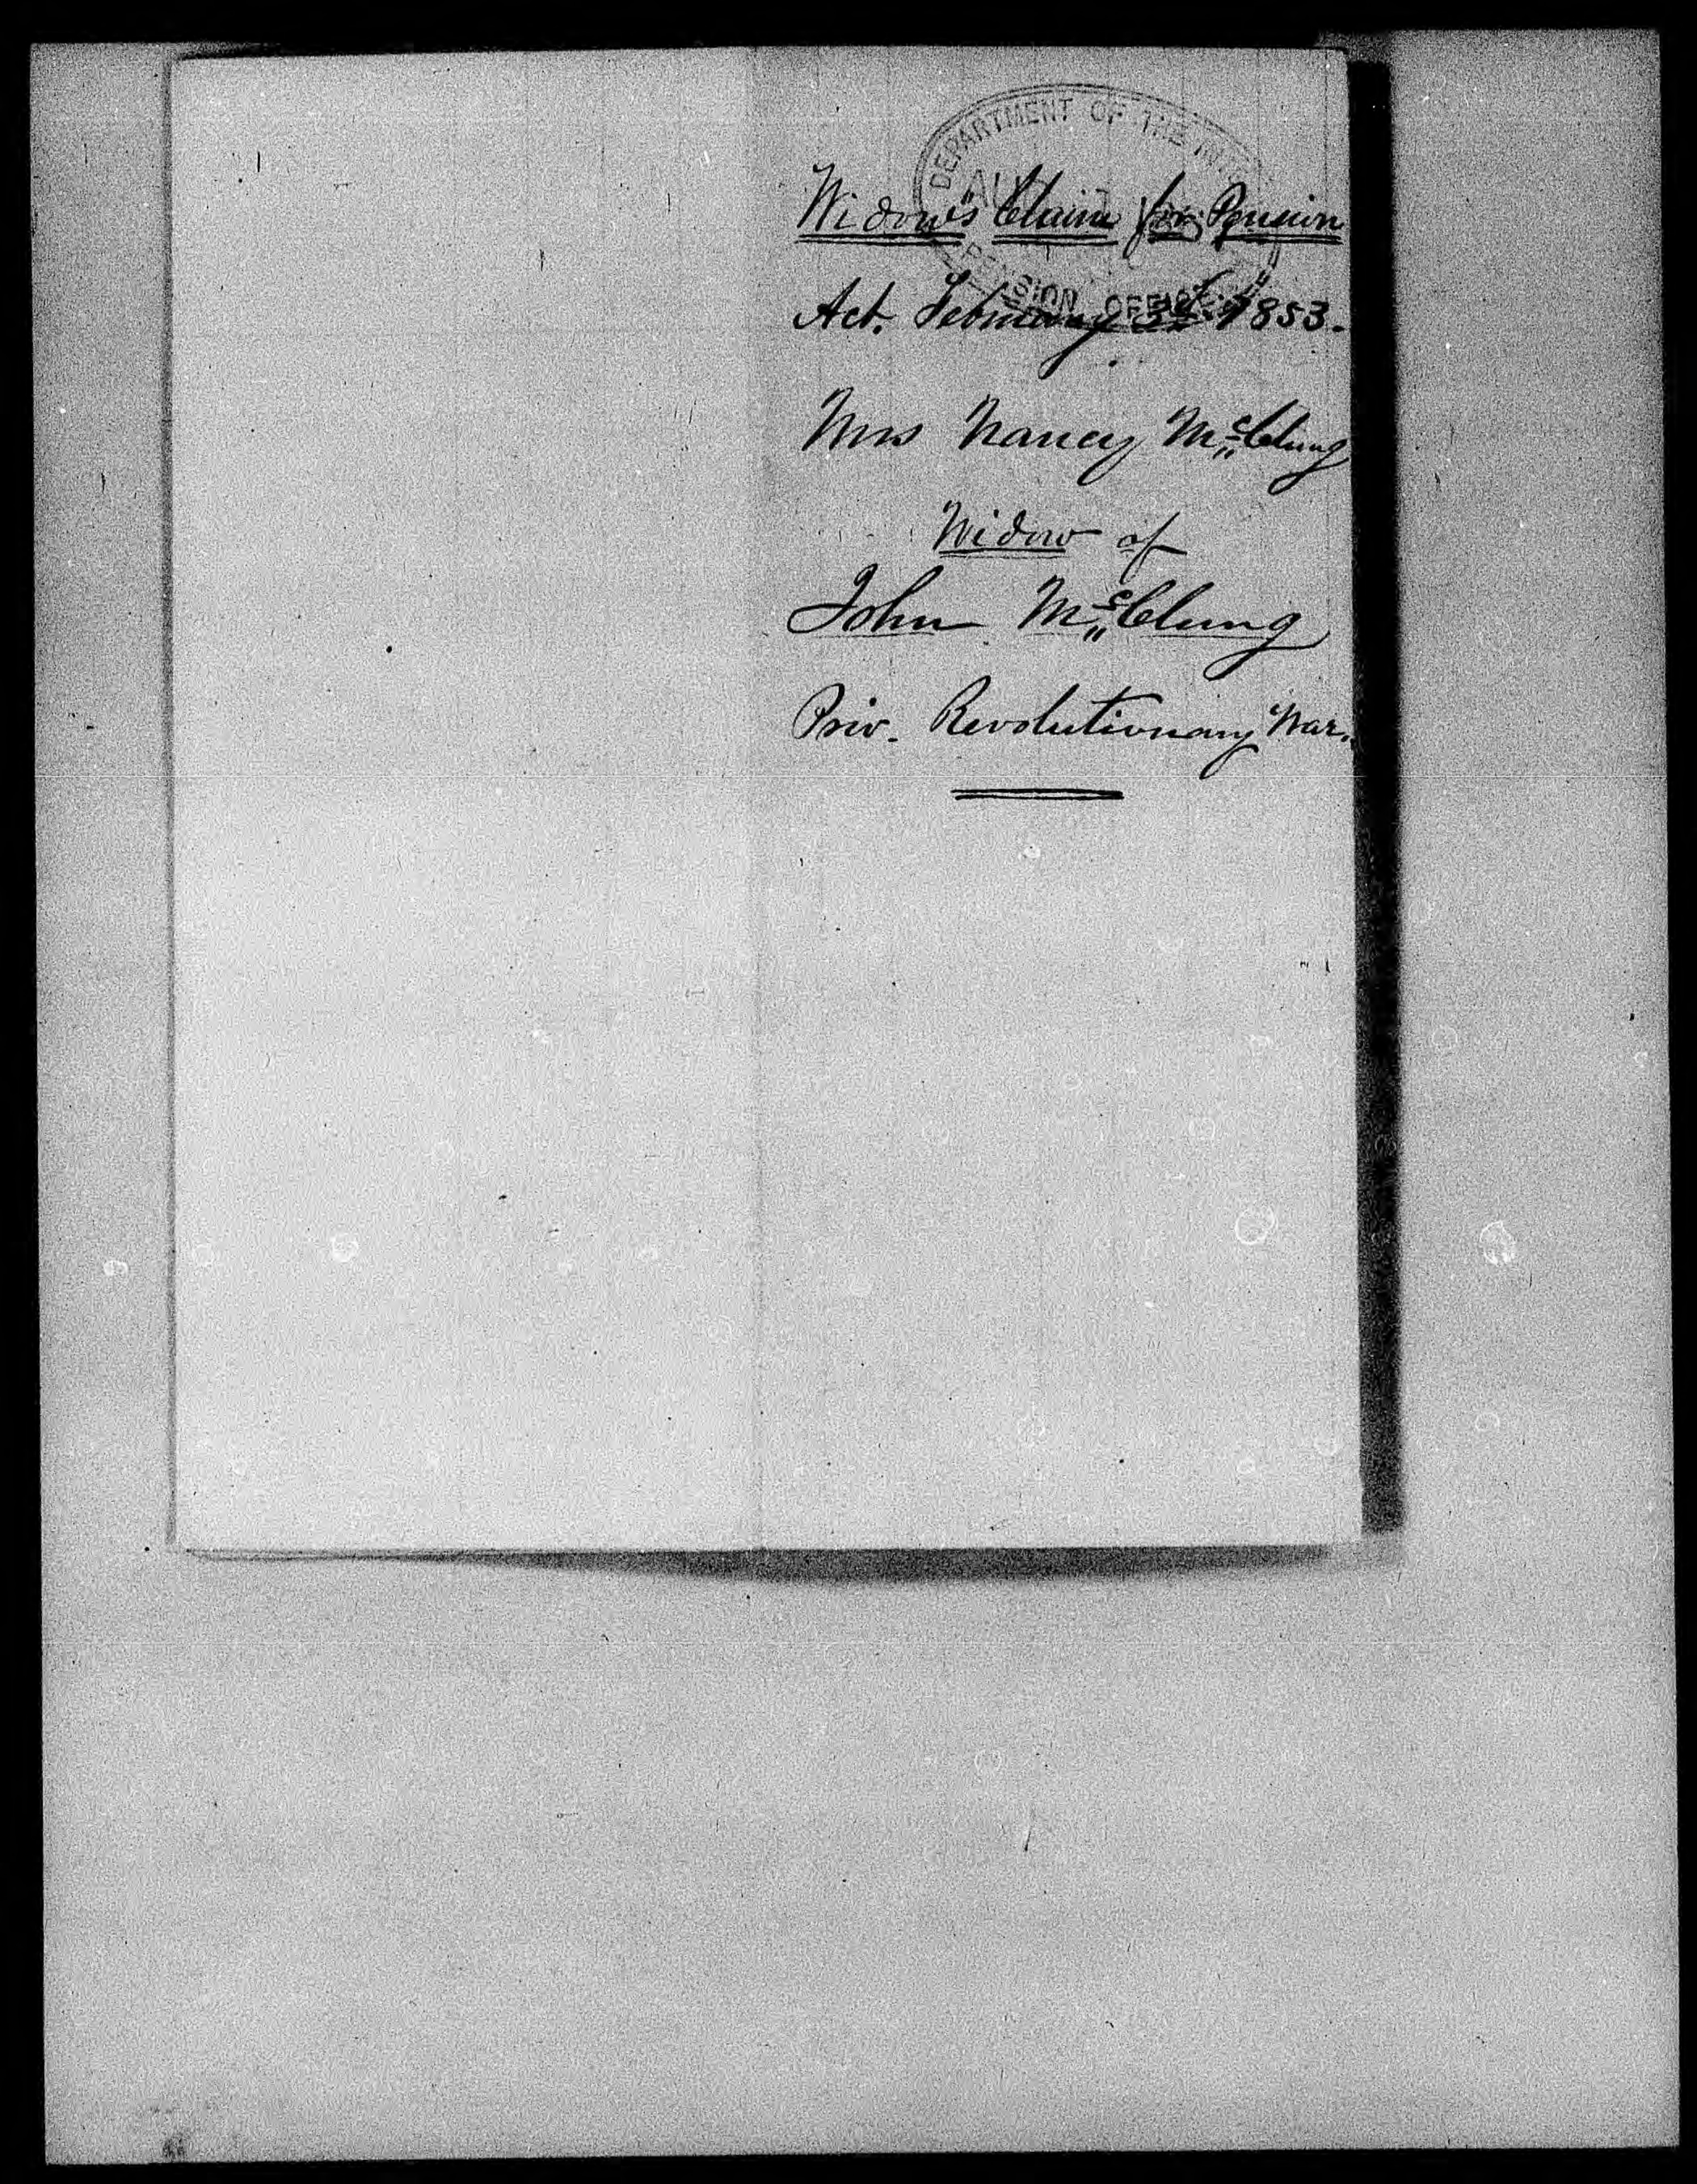Widow's Claim for Pension
Act. February 3d 1853

Mrs Nancy McClung
Widow of John McClung
Priv. Revolutionary War.

[stamp]
DEPARTMENT OF THE INTERIOR
AUG 17 ??
PENSION OFFICE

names: John Mc Clung; Nancy Mc Clung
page: 112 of 115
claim: widow's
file: W. 1446, for John Mc Clung, South Carolina